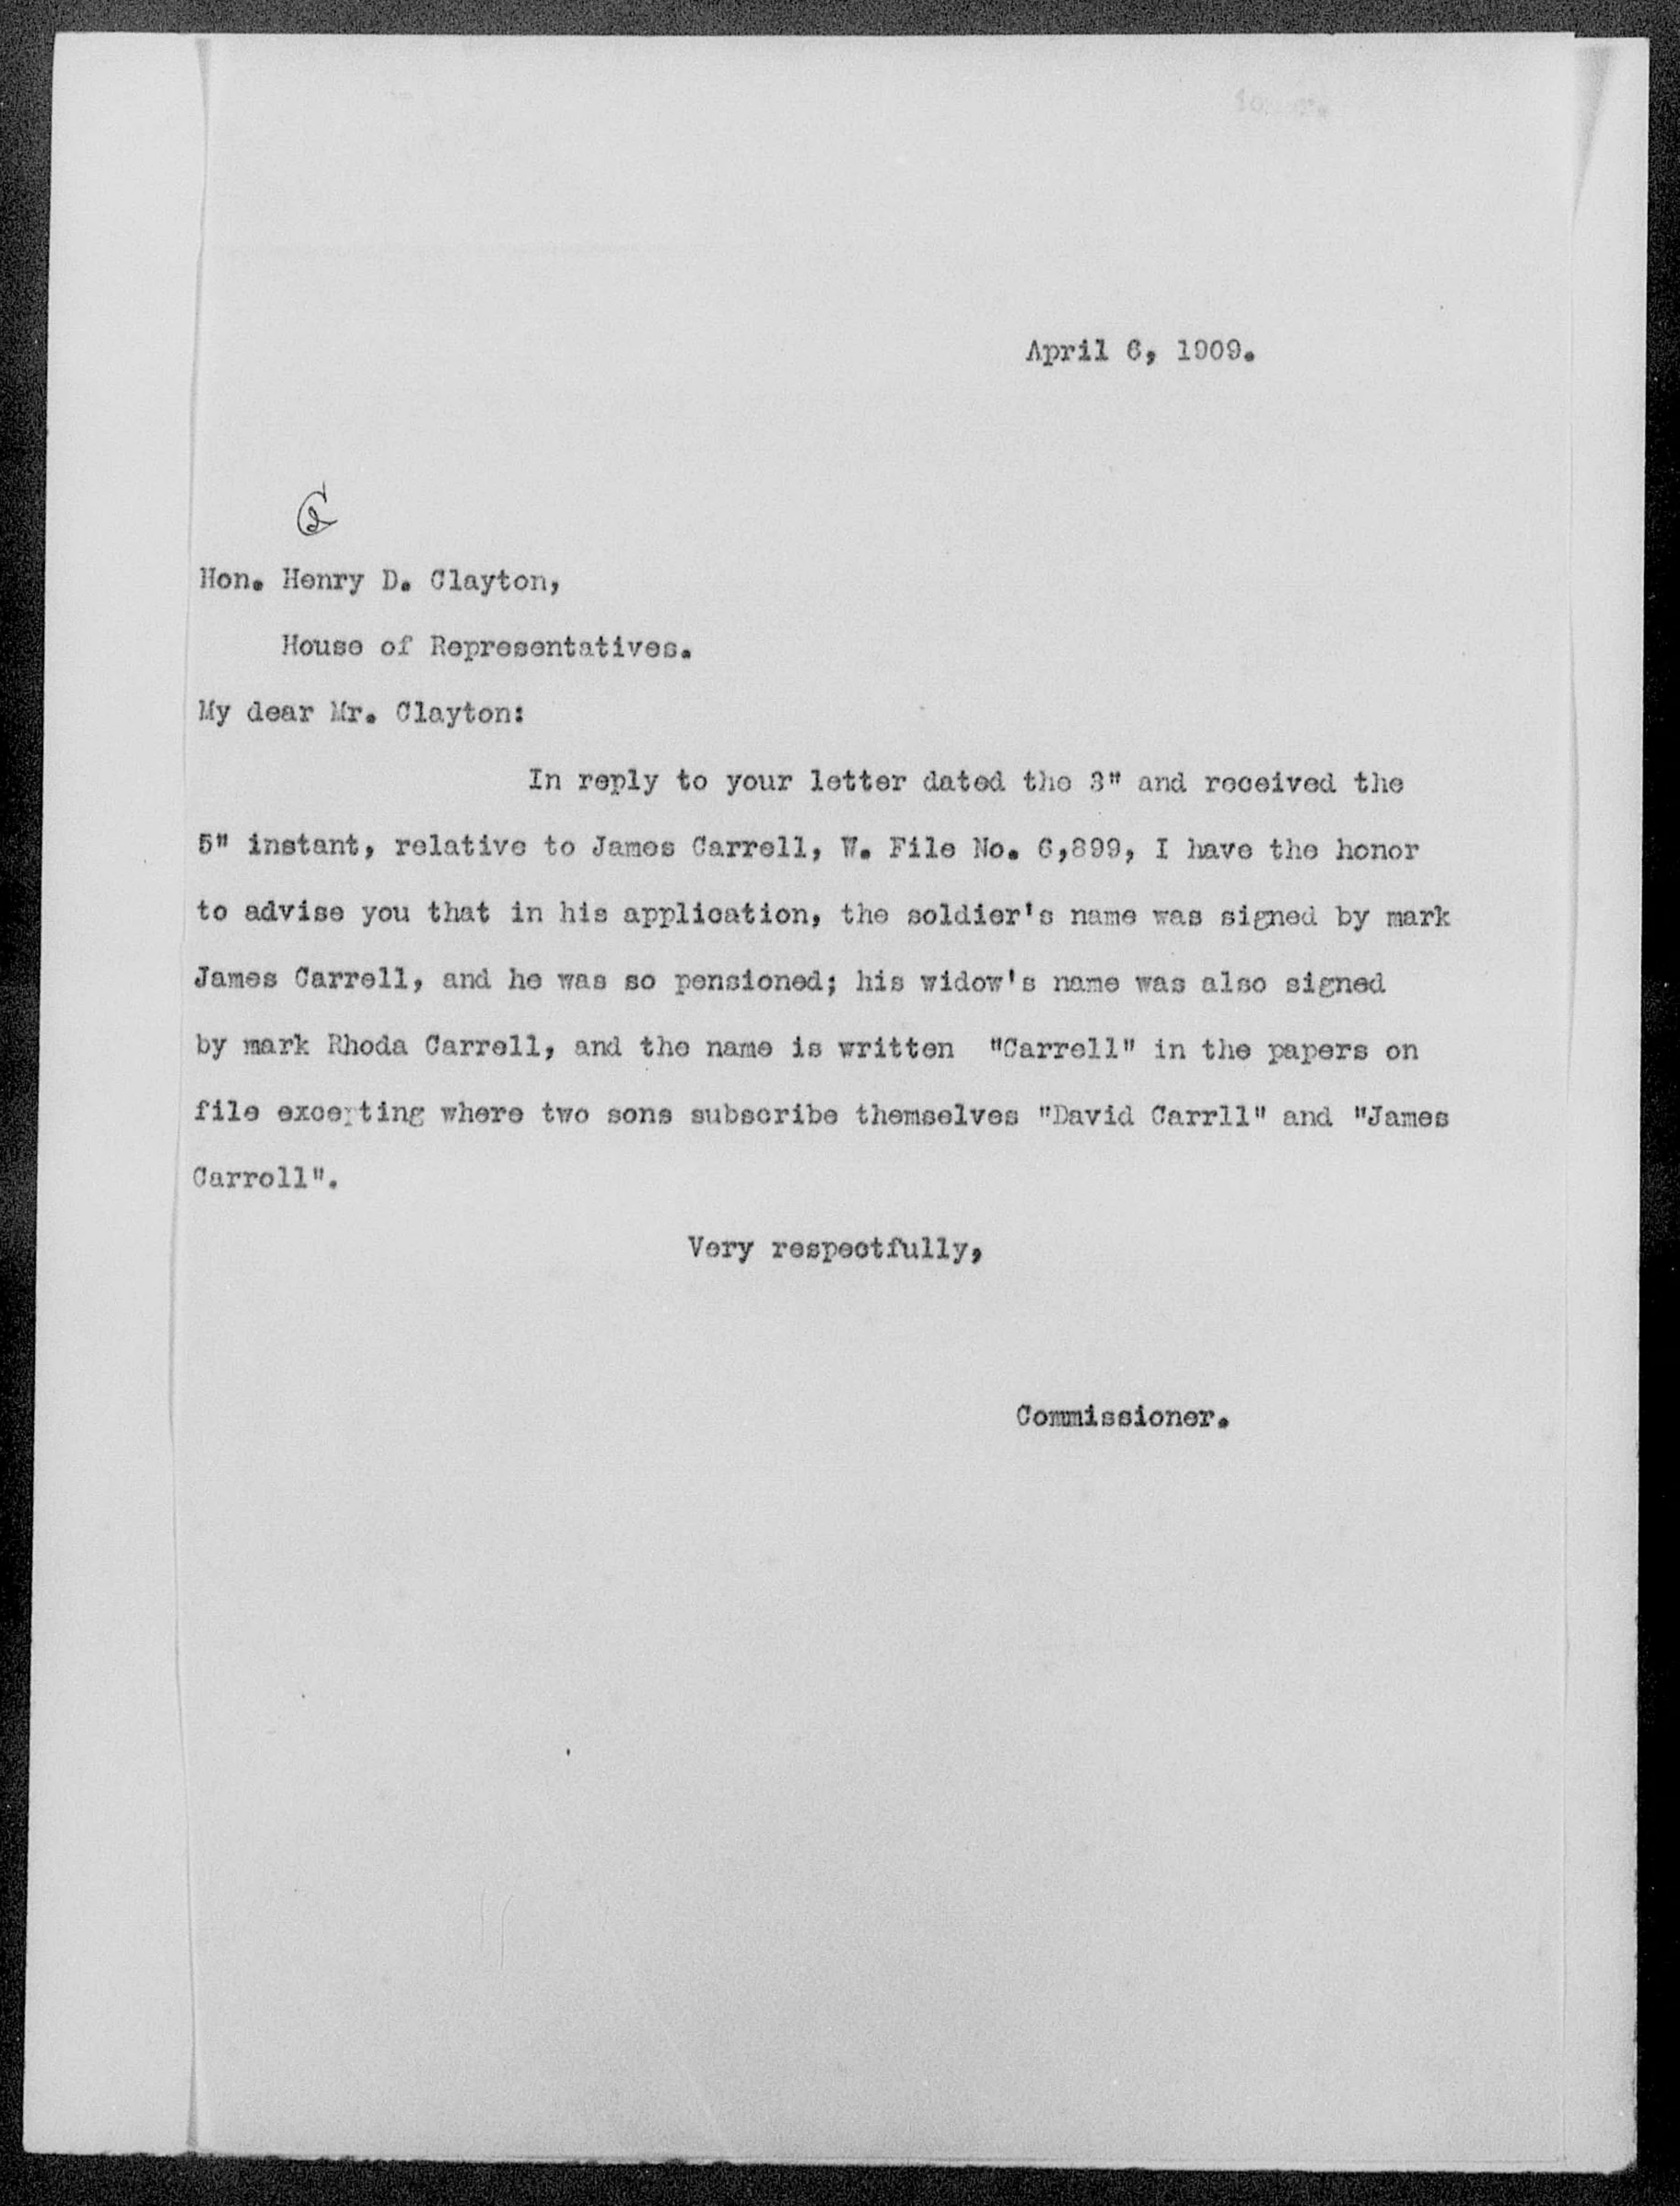Hon. Henry D. Clayton,
House of Representatives 

My dear Mr. Clayton:

In reply to your letter dated the 3" and received the 5" instant, relative to James Carrell, W. File No. 6,899, I have the honor to advise your that in his application, the soldier's name was signed by mark James Carrell, and he was so pensioned; his widow's name was also signed by mark Rhoda Carrell, and the name is written "Carrell" in the papers on file excepting where two sons subscribe themselves "David Carrll" and "James Carroll".

Very respectfully,

Commissioner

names: Henry D Clayton, David Carrll, James Carrell, James Carroll, Clayton, James Carrell, Rhoda Carrell, Carrell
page: 84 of 86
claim: widow's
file: W. 6899, James Carrell, N.C.